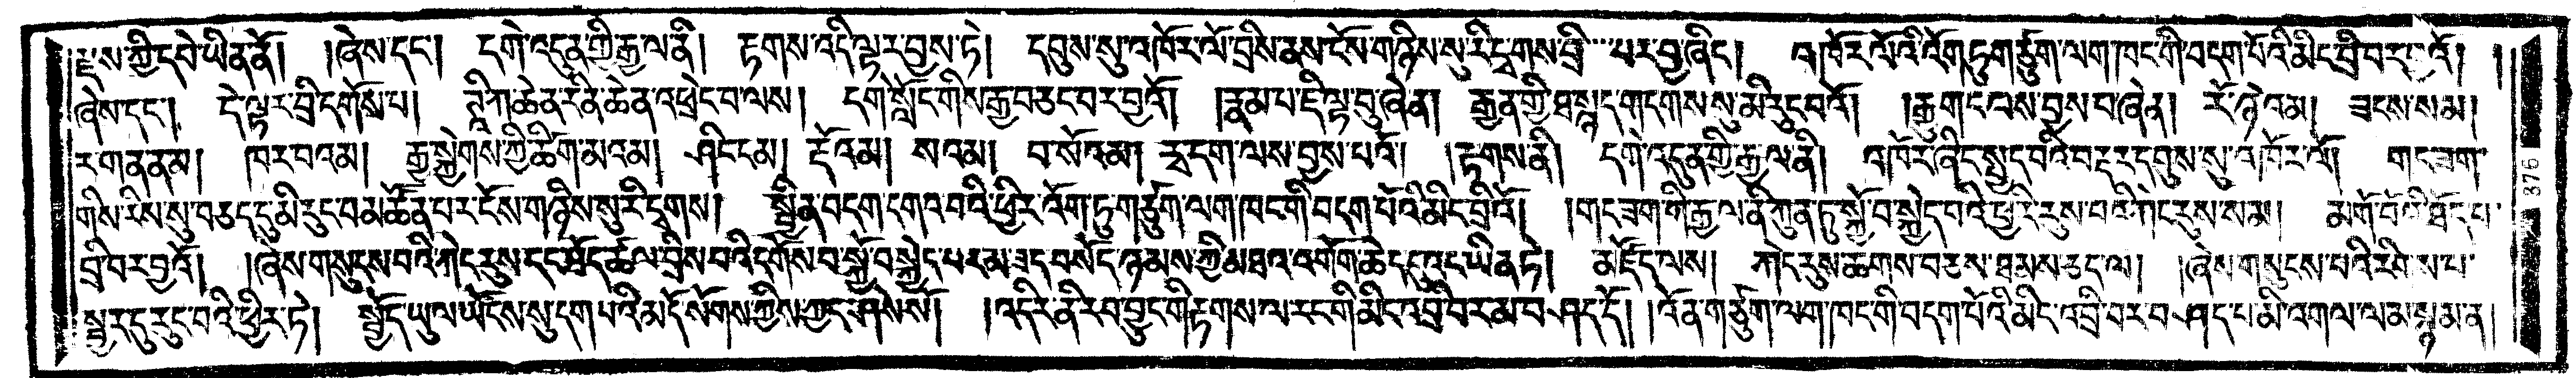རྫས་ཀྱི་དཔེ་ཡིན་ནོ། །ཞེས་དང་། དགེ་འདུན་གྱི་རྒྱ་ལ་ནི། རྟགས་འདི་ལྟར་བྱས་ཏེ། དབུས་སུ་འཁོར་ལོ་བྲིས་ནས་ངོས་གཉིས་སུ་རི་དྭགས་བྲི་བར་བྱ་ཞིང་། འཁོར་ལོའི་འོག་ཏུ་གཙུག་ལག་ཁང་གི་བདག་པོའི་མིང་བྲི་བར་བྱའོ། །
ཞེས་དང་། དེ་ལྟར་བྲིས་དགོས་པ། ཊཱི་ཀ་ཆེན་རིན་ཆེན་འཕྲེང་བ་ལས། དགེ་སློང་གིས་རྒྱ་བཅང་བར་བྱའོ། །རྣམ་པ་ཇི་ལྟ་བུ་ཞེན། རྒྱན་གྱི་ཐ་སྙད་གདགས་སུ་མི་རུང་བའོ། །རྒྱ་གང་བས་བྱས་བཞེན། རོ་ཉེའམ། ཟངས་སམ།
ར་གན་ནམ། ཁར་བའམ། རྒྱ་སྐྱེགས་ཀྱི་ཚིག་མའམ། ཤིང་དམ། རྡོའམ། སའམ། རྭ་དག་ལས་བྱས་པའོ། །རྟགས་ནི། དགེ་འདུན་གྱི་རྒྱལ་ནི། འཁོར་ཞིང་སྤྱད་པའི་བརྡར་དབུས་སུ་འཁོར་ལོ། གང་ཟག་
གིས་རིས་སུ་བཅད་དུ་མི་རུང་བ་མཚོན་པར་ངོས་གཉིས་སུ་རི་དྭགས། སྦྱིན་བདག་དགའ་བའི་ཕྱིར་འོག་ཏུ་གཙུག་ལག་ཁང་གི་བདག་པོའི་མིང་བྲིའོ། །གང་ཟག་གི་རྒྱལ་ནི་ཀུན་ཏུ་སྐྱོ་བ་སྐྱེད་པའི་ཕྱིར་རུས་བའི་ཀེང་རུས་སམ། མགོ་བོའི་ཐོད་པ་
བྲི་བར་བྱའོ། །ཞེས་གསུངས་བའི་ཀེང་རུས་དང་ཐོད་ཚལ་བྲིས་བའི་དགོས་བ་སྐྱོ་བསྐྱེད་པར་མ་ཟད་བསོད་ཉམས་ཀྱིམ་ཐའ་འགོག་ཆེ་དངུའང་ཡིན་ཏེ། མཛོད་ལས། ཀེང་རུས་ཆགས་བཅས་ཐམས་ཅད་ལ། །ཞེས་གསུངས་པའི་རིགས་པ་
སྦྱར་དུ་རུང་བའི་ཕྱིར་ཏེ། སྤྱོད་ཡུལ་ཡོངས་སུ་དག་པའི་མདོ་སོགས་ཀྱིས་ཀྱང་ཤེས་སོ། །འདིར་ནི་རབ་བྱུང་གི་རྟགས་ལ་རང་གི་མིང་འབྲི་བར་མ་བཤད་དོ། །འོན་གཙུག་ལག་ཁང་གི་བདག་བོའི་མིང་འབྲི་བར་བཤད་པ་མི་འགལ་ལམ་སྙམ་ན།